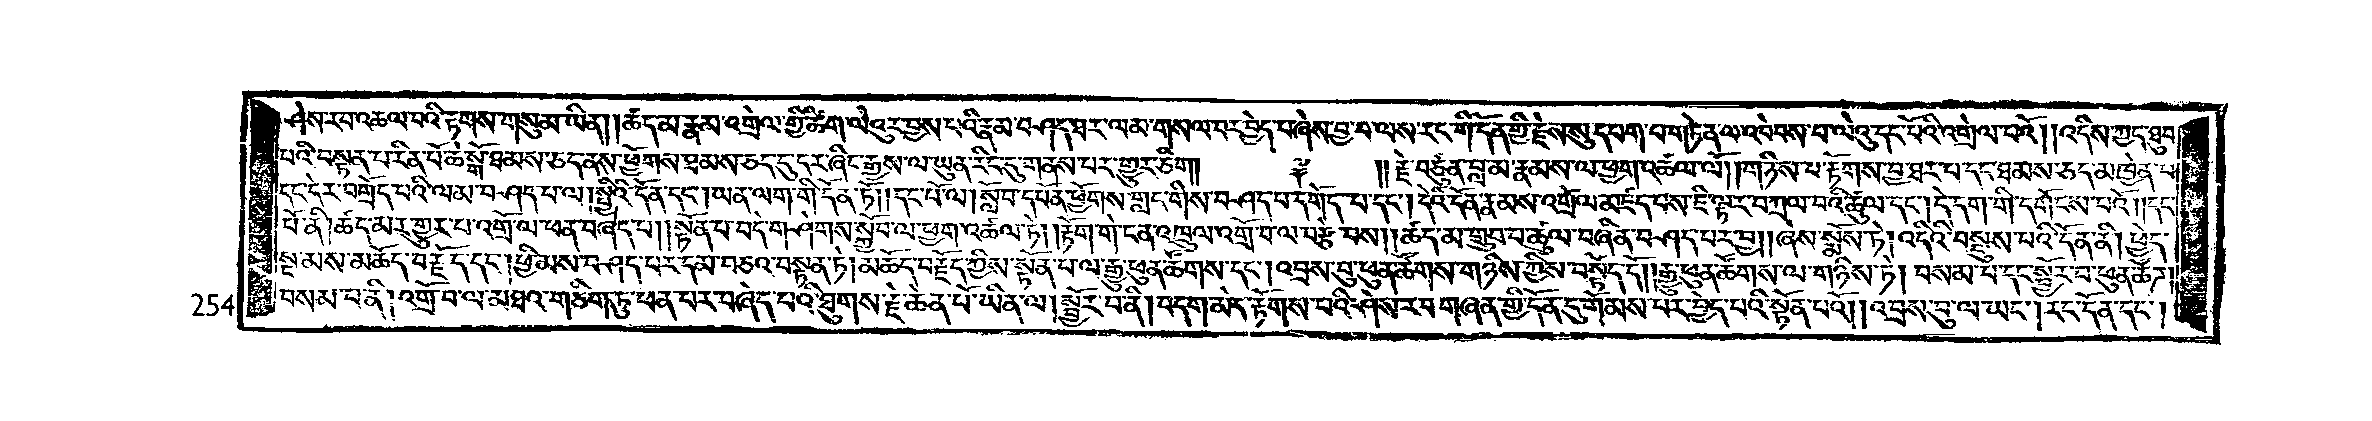ཤེས་རབ་འཚལ་བའི་རྟགས་གསུམ་ཡིན། །ཚད་མ་རྣམ་འགྲེལ་གྱི་ཚིག་ལེའུར་བྱས་པའི་རྣམ་བཤད་ཐར་ལམ་གསལ་བར་བྱེད་པ་ཞེས་བྱ་བ་ལས་རང་གི་དོན་གྱི་རྗེས་སུ་དཔག་པ་གཏན་ལ་འབེབས་པ་ལེའུ་དང་པོའི་འགྲེལ་པའོ། །འདིས་ཀྱང་ཐུབ་
པའི་བསྟན་པ་རིན་པོ་ཆེ་སྒོ་ཐམས་ཅད་ནས་ཕྱོགས་ཐམས་ཅད་དུ་དར་ཞིང་རྒྱས་ལ་ཡུན་རིང་དུ་གནས་པར་གྱུར་ཅིག། ༈ །།རྗེ་བཙུན་བླ་མ་རྣམས་ལ་ཕྱག་འཚལ་ལོ། །གཉིས་པ་རྟོགས་བྱ་ཐར་པ་དང་ཐམས་ཅད་མཁྱེན་པ་
དང་དེར་བགྲོད་པའི་ལམ་བཤད་པ་ལ། སྤྱིའི་དོན་དང་། ཡན་ལག་གི་དོན་ཏོ། །དང་པོ་ལ། སློབ་དཔོན་ཕྱོགས་གླང་གིས་བཤད་པ་དགོད་པ་དང་། དེའི་དོན་རྣམས་འགྲོལ་མཛད་པས་ཇི་ལྟར་བཀྲལ་བའི་ཚུལ་དང་། དེ་དག་གི་དགོངས་པའོ། །དང་
པོ་ནི། ཚད་མར་གྱུར་པ་འགྲོ་ལ་ཕན་བཞད་པ། །སྟོན་པ་བདེ་གཤེགས་སྐྱོབ་ལ་ཕྱག་འཚལ་ཏེ། །རྟོག་གེ་ངན་འཁྲུལ་འགྲོ་བ་ལ་བརྩེ་བས། །ཚད་མ་གྲུབ་པ་ཚུལ་བཞིན་བཤད་པར་བྱ། །ཞེས་སྨོས་ཏེ། འདིའི་བསྡུས་པའི་དོན་ནི། ཕྱིད་
སྔ་མས་མཆོད་བརྗོད་དང་། ཕྱི་མས་བཤད་པར་དམ་བཅའ་བསྟན་ཏེ། མཆོད་བརྗོད་ཀྱིས་སྟོན་པ་ལ་རྒྱུ་ཕུན་ཚོགས་དང་། འབྲས་བུ་ཕུན་ཚོགས་གཉིས་ཀྱིས་བསྟོད་དོ། །རྒྱུ་ཕུན་ཚོགས་ལ་གཉིས་ཏེ། བསམ་པ་དང་སྦྱོར་བ་ཕུན་ཚོགས།
བསམ་པ་ནི། འགྲོ་བ་ལ་མཐའ་གཅིག་ཏུ་ཕན་པར་བཞེད་པའི་ཐུགས་རྗེ་ཆེན་པོ་ཡིན་ལ། སྦྱོར་བ་ནི། བདག་མེད་རྟོགས་པའི་ཤེས་རབ་གཞན་གྱི་དོན་དུ་གོམས་པར་བྱེད་པའི་སྟོན་པའོ། །འབྲས་བུ་ལ་ཡང་། རང་དོན་དང་།